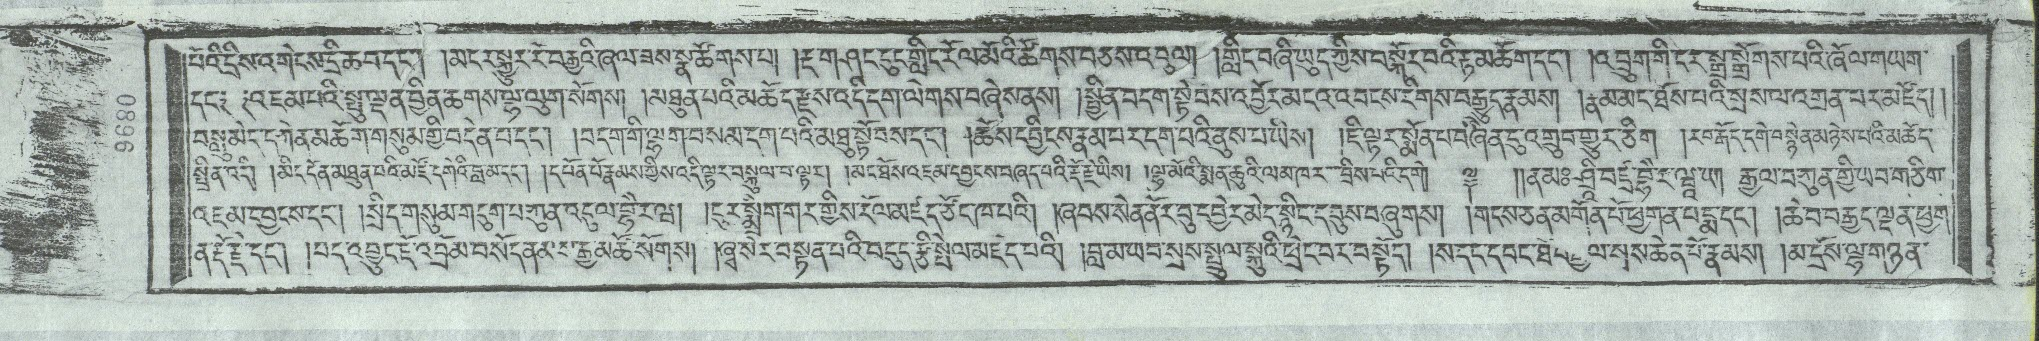པོའི་དྲིས་འགེངས་དྲི་ཆབ་དང་། །མངར་སྐྱུར་རོ་བརྒྱའི་ཞལ་ཟས་སྣ་ཚོགས་པ། །རྔ་གཤང་དུང་གླིང་རོལ་མོའི་ཚོགས་བཅས་འབུལ། །གླིང་བཞི་ཡུད་ཀྱིས་བསྐོར་བའི་རྟ་མཆོག་དང་། །འབྲུག་གི་ངར་སྒྲ་སྒྲོགས་པའི་ཞོལ་གཡག་
དང༑ ༑འཇམ་པའི་སྤུ་ལྡན་བྱིན་ཆགས་ལྷ་ལུག་སོགས། །མཐུན་པའི་མཆོད་རྫས་འདི་དག་ལེགས་བཞེས་ནས། །སྤྱིན་བདག་སྟོངས་འབྱོར་མངའ་འབངས་རིགས་བརྒྱུད་རྣམས། །རྣམ་མངའ་ཐོས་པའི་སྲས་ལ་འགྲན་པར་མཛོད། །
བསླུ་མེད་དཀོན་མཆོག་གསུམ་གྱི་བདེན་པ་དང་། །བདག་གི་ལྷག་བསམ་དག་པའི་མཐུ་སྟོབས་དང་། །ཆོས་དབྱིངས་རྣམ་པར་དག་པའི་ནུས་པ་ཡིས། །ཇི་ལྟར་སྨོན་པ་བཞིན་དུ་འགྲུབ་གྱུར་ཅིག །རབ་རྒོད་དགེ་བསྙེན་མཉེས་པའི་མཆོད་
སྤྲིན་འདི། །མིང་དོན་མཐུན་པའི་མཛོ་དགེའི་བླ་མ་དང་། །དཔོན་པོ་རྣམས་ཀྱིས་འདི་ལྟར་བསྐུལ་བ་ལྟར། །མང་ཐོས་འཇམ་དབྱངས་བཞད་པའི་རྡོ་རྗེ་ཡིས། །ལྷ་མོའི་སྨན་ཆུའི་ལམ་ཁར་བྲིས་པའི་དགེ། ༈ །།ན་མཿཤྲའི་བཛྲ་བྷཻ་ར་ཝཱ་ཡ། རྒྱལ་བ་ཀུན་གྱི་ཡབ་གཅིག་
འཇམ་དབྱངས་དང་། །སྲིད་གསུམ་གདུག་པ་ཀུན་འདུལ་གྷི་ར་ཝ། །དུར་སྨྲིག་གར་གྱིས་རོལ་མཛད་ཙོང་ཁ་པའི། །ཞབས་སེན་ནོར་བུ་དབྱེར་མེད་སྙིང་དབུས་བཞུགས། །གངས་ཅན་མགོན་པོ་ཕྱག་ན་པདམ་དང་། །ཆེ་བ་བརྒྱད་ལྡན་ཕྱག་
ན་རྡོ་རྗེ་དང་། །པད་འབྱུང་ཇོ་འབྲོམ་བསོད་ནམས་རྒྱ་མཚོ་སོགས། །ཞྭ་སེར་བསྟན་པའི་བདུད་རྩི་སྤེལ་མཛད་པའི། །བླ་མ་ཡབ་སྲས་སྤྲུལ་སྐུའི་ཕྲེང་བར་བསྟོད། །ས་དང་དབང་ཐོབ་རྒྱལ་སྲས་ཆེན་པོ་རྣམས། །མ་དྲོས་ལྷ་གཉན་